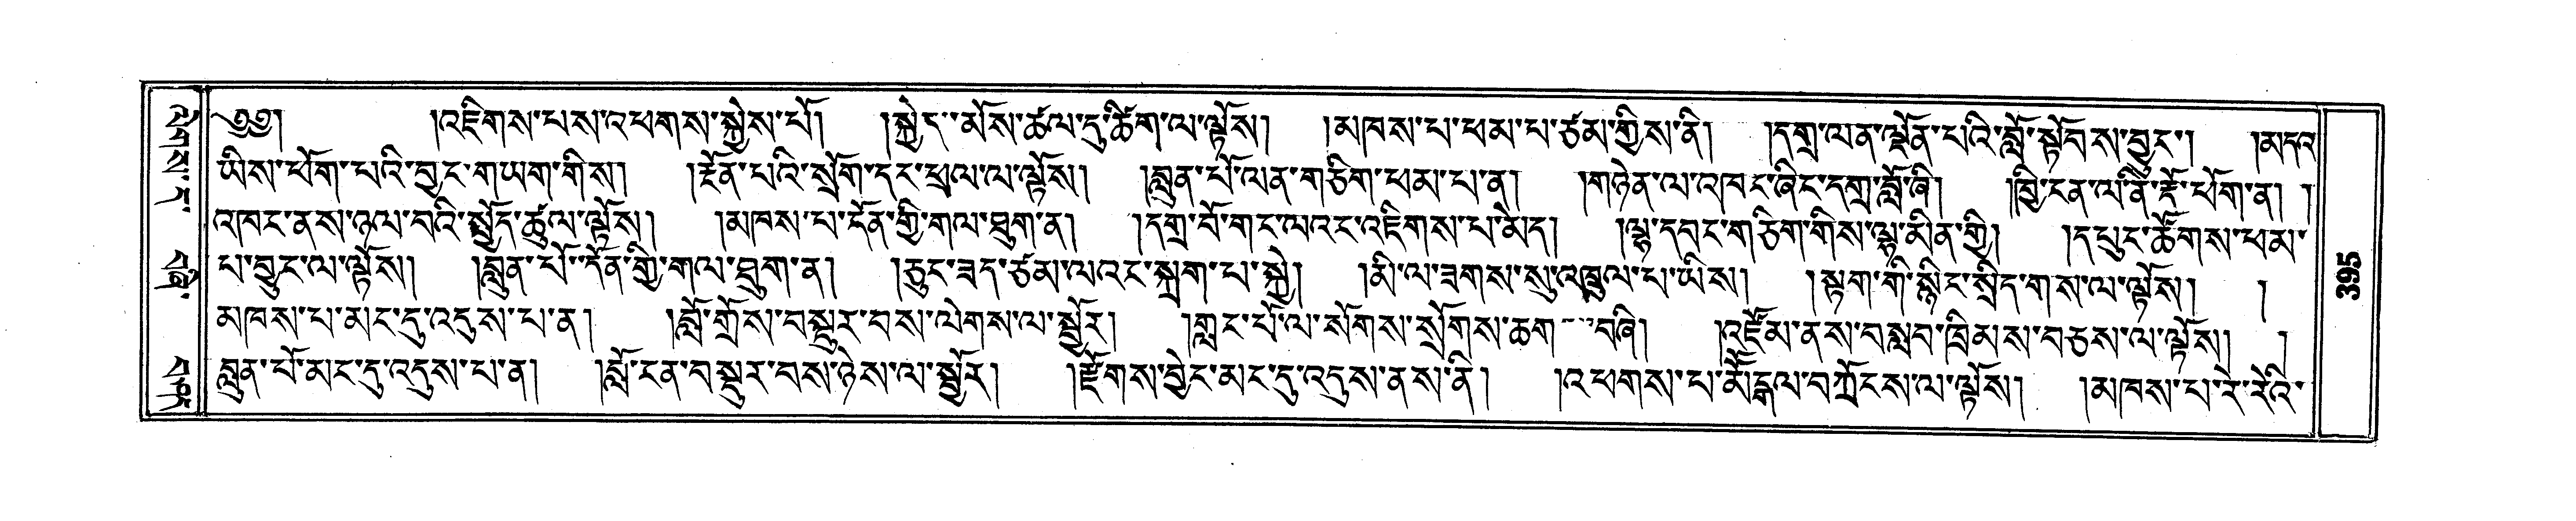༄༅། །འཇིགས་པས་འཕགས་སྐྱེས་པོ། །སྐྱེད་མོས་ཚལ་དུ་ཚིག་ལ་ལྟོས། །མཁས་པ་ཕམ་པ་ཙམ་གྱིས་ནི། །དགྲ་ལན་ལྡོན་པའི་བློ་སྟོབས་བྱུང་། །མདའ་
ཡིས་ཕོག་པའི་བྱང་གཡག་གིས། །རྔོན་པའི་སྲོག་དང་ཕྲལ་ལ་ལྟོས། །བླུན་པོ་ལན་གཅིག་ཕམ་པ་ན། །གཉེན་ལ་འཁང་ཞིང་དགྲ་བློ་ཞི། །ཁྱི་ངན་ལ་ནི་རྡོ་ཕོག་ན། །
འཁང་ནས་ཉལ་བའི་སྤྱོད་ཚུལ་ལྟོས། །མཁས་པ་དོན་གྱི་གལ་ཐུག་ན། །དགྲ་བོ་གང་ལའང་འཇིགས་པ་མེད། །ལྷ་དབང་གཅིག་གིས་ལྷ་མིན་གྱི། །དཔུང་ཚོགས་ཕམ་
པ་བྱུང་ལ་ལྟོས། །བླུན་པོ་དོན་གྱི་གལ་ཐུག་ན། །ཅུང་ཟད་ཙམ་ལའང་སྐྲག་པ་སྐྱེ། །མི་ལ་ཟགས་སུ་འཁྲུལ་པ་ཡིས། །སྟག་གི་སྙིང་སྲིད་གས་ལ་ལྟོས། །
མཁས་པ་མང་དུ་འདུས་པ་ན། །བློ་གྲོས་བསྡུར་བས་ལེགས་ལ་སྦྱོར། །གླང་པོ་ལ་སོགས་སྲོགས་ཆག་བཞི། །འཛོམ་ནས་བསླབ་ཁྲིམས་བཅས་ལ་ལྟོས། །
བླུན་པོ་མང་དུ་འདུས་པ་ན། །བློ་ངན་བསྡུར་བས་ཉེས་ལ་སྦྱོར། །རྫོགས་བྱེད་མང་དུ་འདུས་ནས་ནི། །འཕགས་པ་མཽངྒལ་བཀྲོངས་ལ་ལྟོས། །མཁས་པ་རེ་རེའི་